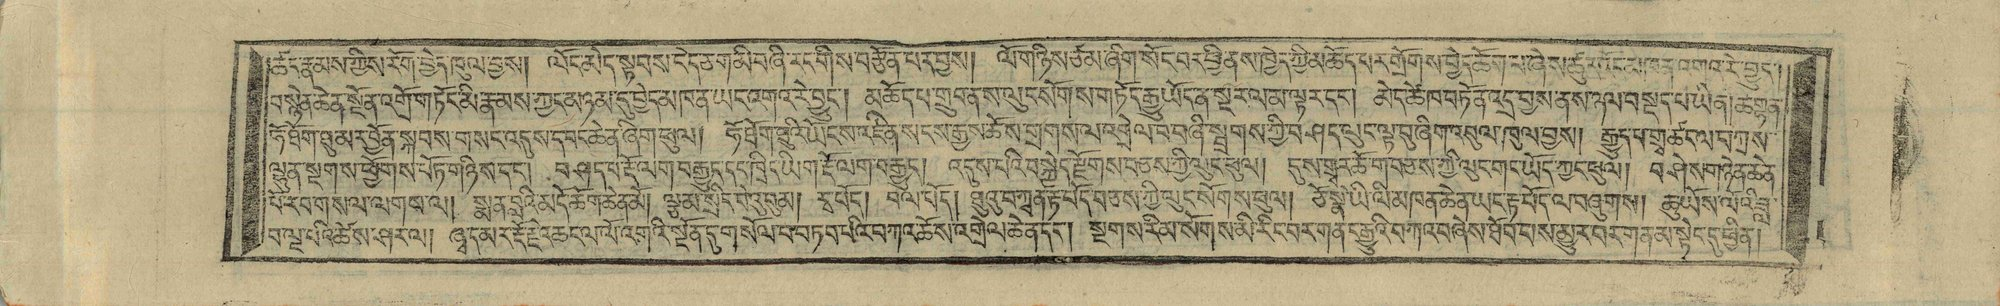ཚང་རྣམས་ཀྱིས་རོག་བྱེད་ཁུལ་བྱས། ལོང་མེད་སྟབས་ངེད་ཅག་མི་བཞི་རང་གིས་བརྩོན་པར་བྱས། ལོ་གཉིས་ཙམ་ཞིག་སོང་བར་ཕྱི་ནས་ཁྱེད་ཀྱི་མཆོད་པར་གྲོགས་བྱེད་ཆོག་པ་ཞེས་ཚུར་འོང་མཁན་འགའ་རེ་བྱུང་།
བསྙེན་ཆེན་སྔོན་འགྲོ་གཏོང་མི་རྣམས་ཀྱང་མཉམ་དུ་བྱེད་མཁན་ཡང་འགའ་རེ་བྱུང་། མཆོད་པ་གྲུབ་ནས་ལུང་སོགས་གཏོང་རྒྱུ་ཡོད་ན་སྔར་ལམ་ལྟར་དང་། མེད་ཚེ་ཁ་བཏོན་འདྲ་བྱས་ནས་ཉལ་བསྡད་པ་ཡིན། ཆ་གྷན་
ཧོ་ཐོག་ཐུ་མར་བྱོན་སྐབས་གསང་འདུས་དབང་ཆེན་ཞིག་ཕུལ། ཧོ་ཐོག་ཐུའི་ཡོངས་འཛིན་སངས་རྒྱས་ཆོས་གྲགས་ལ་འགྲེལ་བ་བཞི་སྦྲགས་ཀྱི་བཤད་ལུང་ལྟ་བུ་ཞིག་འབུལ་ཁུལ་བྱས། རྒྱུད་པ་གྲྭ་ཚང་ལ་བཀྲས་
ལྷུན་སྔགས་ཕྱོགས་པོ་ཏ་གཉིས་དང་། བཤད་པ་རྡོ་ལག་བརྒྱུད་དང་ཁྲིད་ཡིག་རྡོ་ལག་བརྒྱུད། འདུས་པའི་བསྐྱེད་རྫོགས་བཅས་ཀྱི་ལུང་ཕུལ། དུས་གྲྭར་ཆོ་ག་བཅས་ཀྱི་ལུང་གང་ཡོད་ཀྱང་ཕུལ། བཤེས་གཉེན་ཆེན་
པོ་རབ་གསལ་ལགས་ལ། སྨན་བླའི་མདོ་ཆོག་ཆེན་མོ། ལྕམ་སྲིང་བེའུ་བུམ། རྭ་པོད། བལ་པོད། ཐུའུ་བཀྭན་རྟ་བོད་བཅས་ཀྱི་ལུང་སོགས་ཕུལ། ཅོ་སྣེ་ཡི་ལི་མཁན་ཆེན་ཡང་རྟ་པོད་ལ་བཞུགས། ཆུ་ཡོས་ལོའི་ཟླ་
བ་ལྔ་པའི་ཚེས་ཤར་ལ། ཞྭ་དམར་རྡོ་རྗེ་འཆང་ལ་ལོ་འགའི་སྔོན་དུ་གསོལ་བ་བཏབ་པའི་བཀའ་ཆོས་འགྲེལ་ཆེན་དང་། སྔགས་རིམ་སོགས་མི་རིང་བར་གནང་རྒྱུའི་བཀའ་བཞེས་ཐོབ་པས་མྱུར་བར་གནམ་སྟེང་དུ་ཕྱིན།